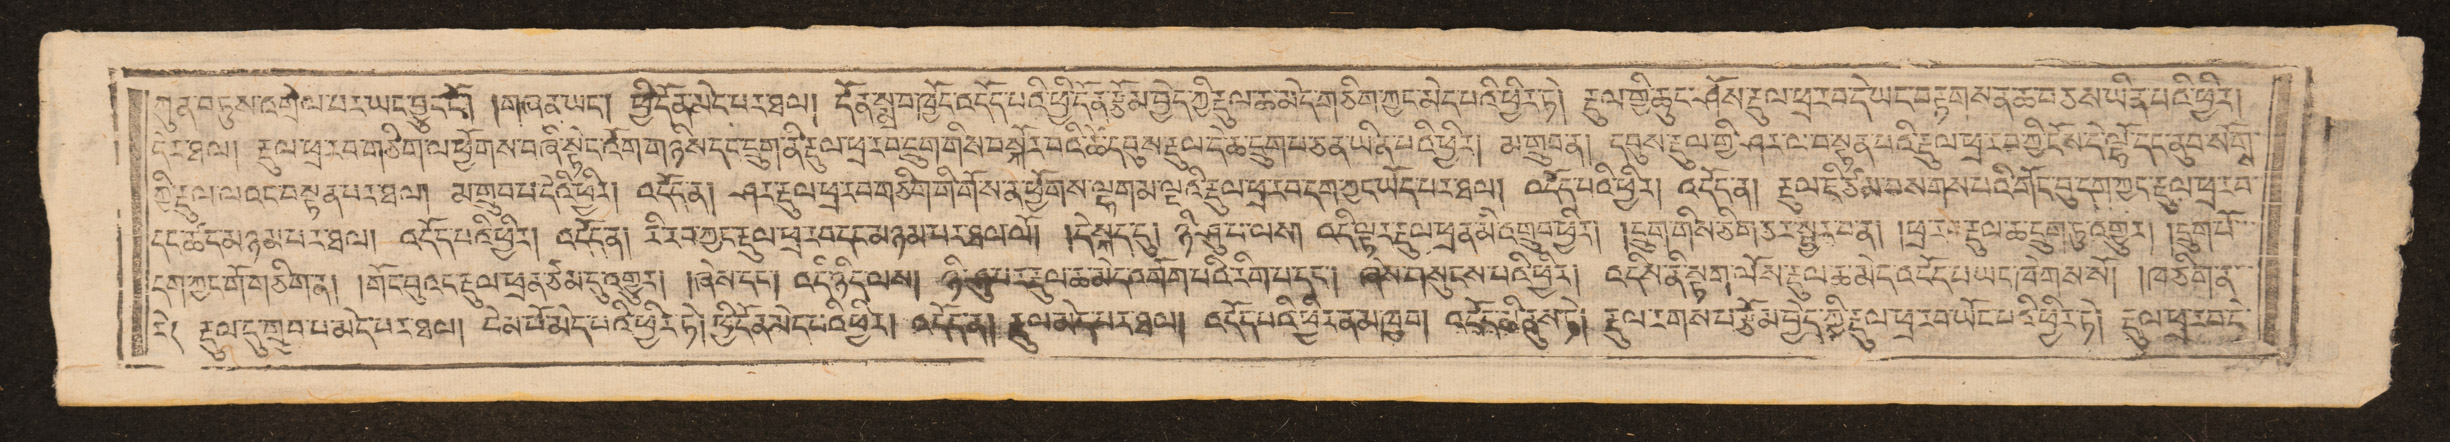ཀུན་བཏུས་འགྲེལ་པར་ཡང་བྱུང་ངོ། །གཞན་ཡང་། ཕྱི་དོན་མེད་པར་ཐལ། དོན་སྨྲ་བ་ཁྱོད་འདོད་པའི་ཕྱི་དོན་རྩོམ་བྱེད་ཀྱི་རྡུལ་ཆ་མེད་གཅིག་ཀྱང་མེད་པའི་ཕྱིར་ཏེ། རྡུལ་གྱི་ཆུང་ཤོས་རྡུལ་ཕྲ་རབ་དེ་ཡང་བརྟགས་ན་ཆ་བཅས་ཡིན་པའི་ཕྱིར།
དེར་ཐལ། རྡུལ་ཕྲ་རབ་གཅིག་ལ་ཕྱོགས་བཞི་སྟེང་འོག་གཉིས་དང་དྲུག་ནི་རྡུལ་ཕྲ་རབ་དྲུག་གིས་བསྐོར་བའི་ཚེ་དབུས་རྡུལ་དེ་ཆ་དྲུག་པ་ཅན་ཡིན་པའི་ཕྱིར། མ་གྲུབ་ན། དབུས་རྡུལ་གྱི་ཤར་ལ་བསྟན་པའི་རྡུལ་ཕྲ་རབ་ཀྱི་དོས་དེ་ལྷོ་དང་ནུབ་སོགས་
ཀྱི་རྡུལ་ལའང་བསྟན་པར་ཐལ། མ་གྲུབ་པ་དེའི་ཕྱིར། འདོད་ན། ཤར་རྡུལ་ཕྲ་རབ་གཅིག་གི་གོ་ས་ན་ཕྱོགས་ལྷག་མ་ལྔའི་རྡུལ་ཕྲ་རབ་དག་ཀྱང་ཡོད་པར་ཐལ། འདོད་པའི་ཕྱིར། འདོད་ན། རྡུལ་ཇི་ཙམ་བསགས་པའི་གོང་བུ་དག་ཀྱང་རྡུལ་ཕྲ་རབ་
དང་ཚད་མཉམ་པར་ཐལ། འདོད་པའི་ཕྱིར། འདོད་ན། རི་རབ་ཀྱང་རྡུལ་ཕྲ་རབ་དང་མཉམ་པར་ཐལ་ལོ། །དེ་སྐད་དུ། ཉི་ཤུ་པ་ལས། འདི་ལྟར་རྡུལ་ཕྲན་མི་འགྲུབ་ཕྱིར། །དྲུག་གིས་ཅིག་ཅར་སྦྱར་བ་ན། །ཕྲ་རབ་རྡུལ་ཆ་དྲུག་ཏུ་འགྱུར། །དྲུག་པོ་
དག་ཀྱང་གོ་གཅིག་ན། །གོང་བུའང་རྡུལ་ཕྲན་ཙམ་དུ་འགྱུར། །ཞེས་དང་། འདི་ཉིད་ལས། ཉི་ཤུ་པར་རྡུལ་ཆ་མེད་འགོག་པའི་རིག་པ་དང་། ཞེས་གསུངས་པའི་ཕྱིར། འདིས་ནི་སྟག་ལོས་རྡུལ་ཆ་མེད་འདོད་པ་ཡང་ཁེགས་སོ། །ཁ་ཅིག་ན་
རེ༑ རྡུལ་དུ་གྲུབ་པ་མེད་པར་ཐལ། བེམ་པོ་མེད་པའི་ཕྱིར་ཏེ། ཕྱི་དོན་མེད་པའི་ཕྱིར། འདོད་ན། རྡུལ་མེད་པར་ཐལ། འདོད་པའི་ཕྱིར་ན་མ་ཁྱབ། འདོད་མི་ནུས་ཏེ། རྡུལ་རགས་པ་རྩོམ་བྱེད་ཀྱི་རྡུལ་ཕྲ་རབ་ཡོད་པའི་ཕྱིར་ཏེ། རྡུལ་ཕྲ་རབ་དེ་